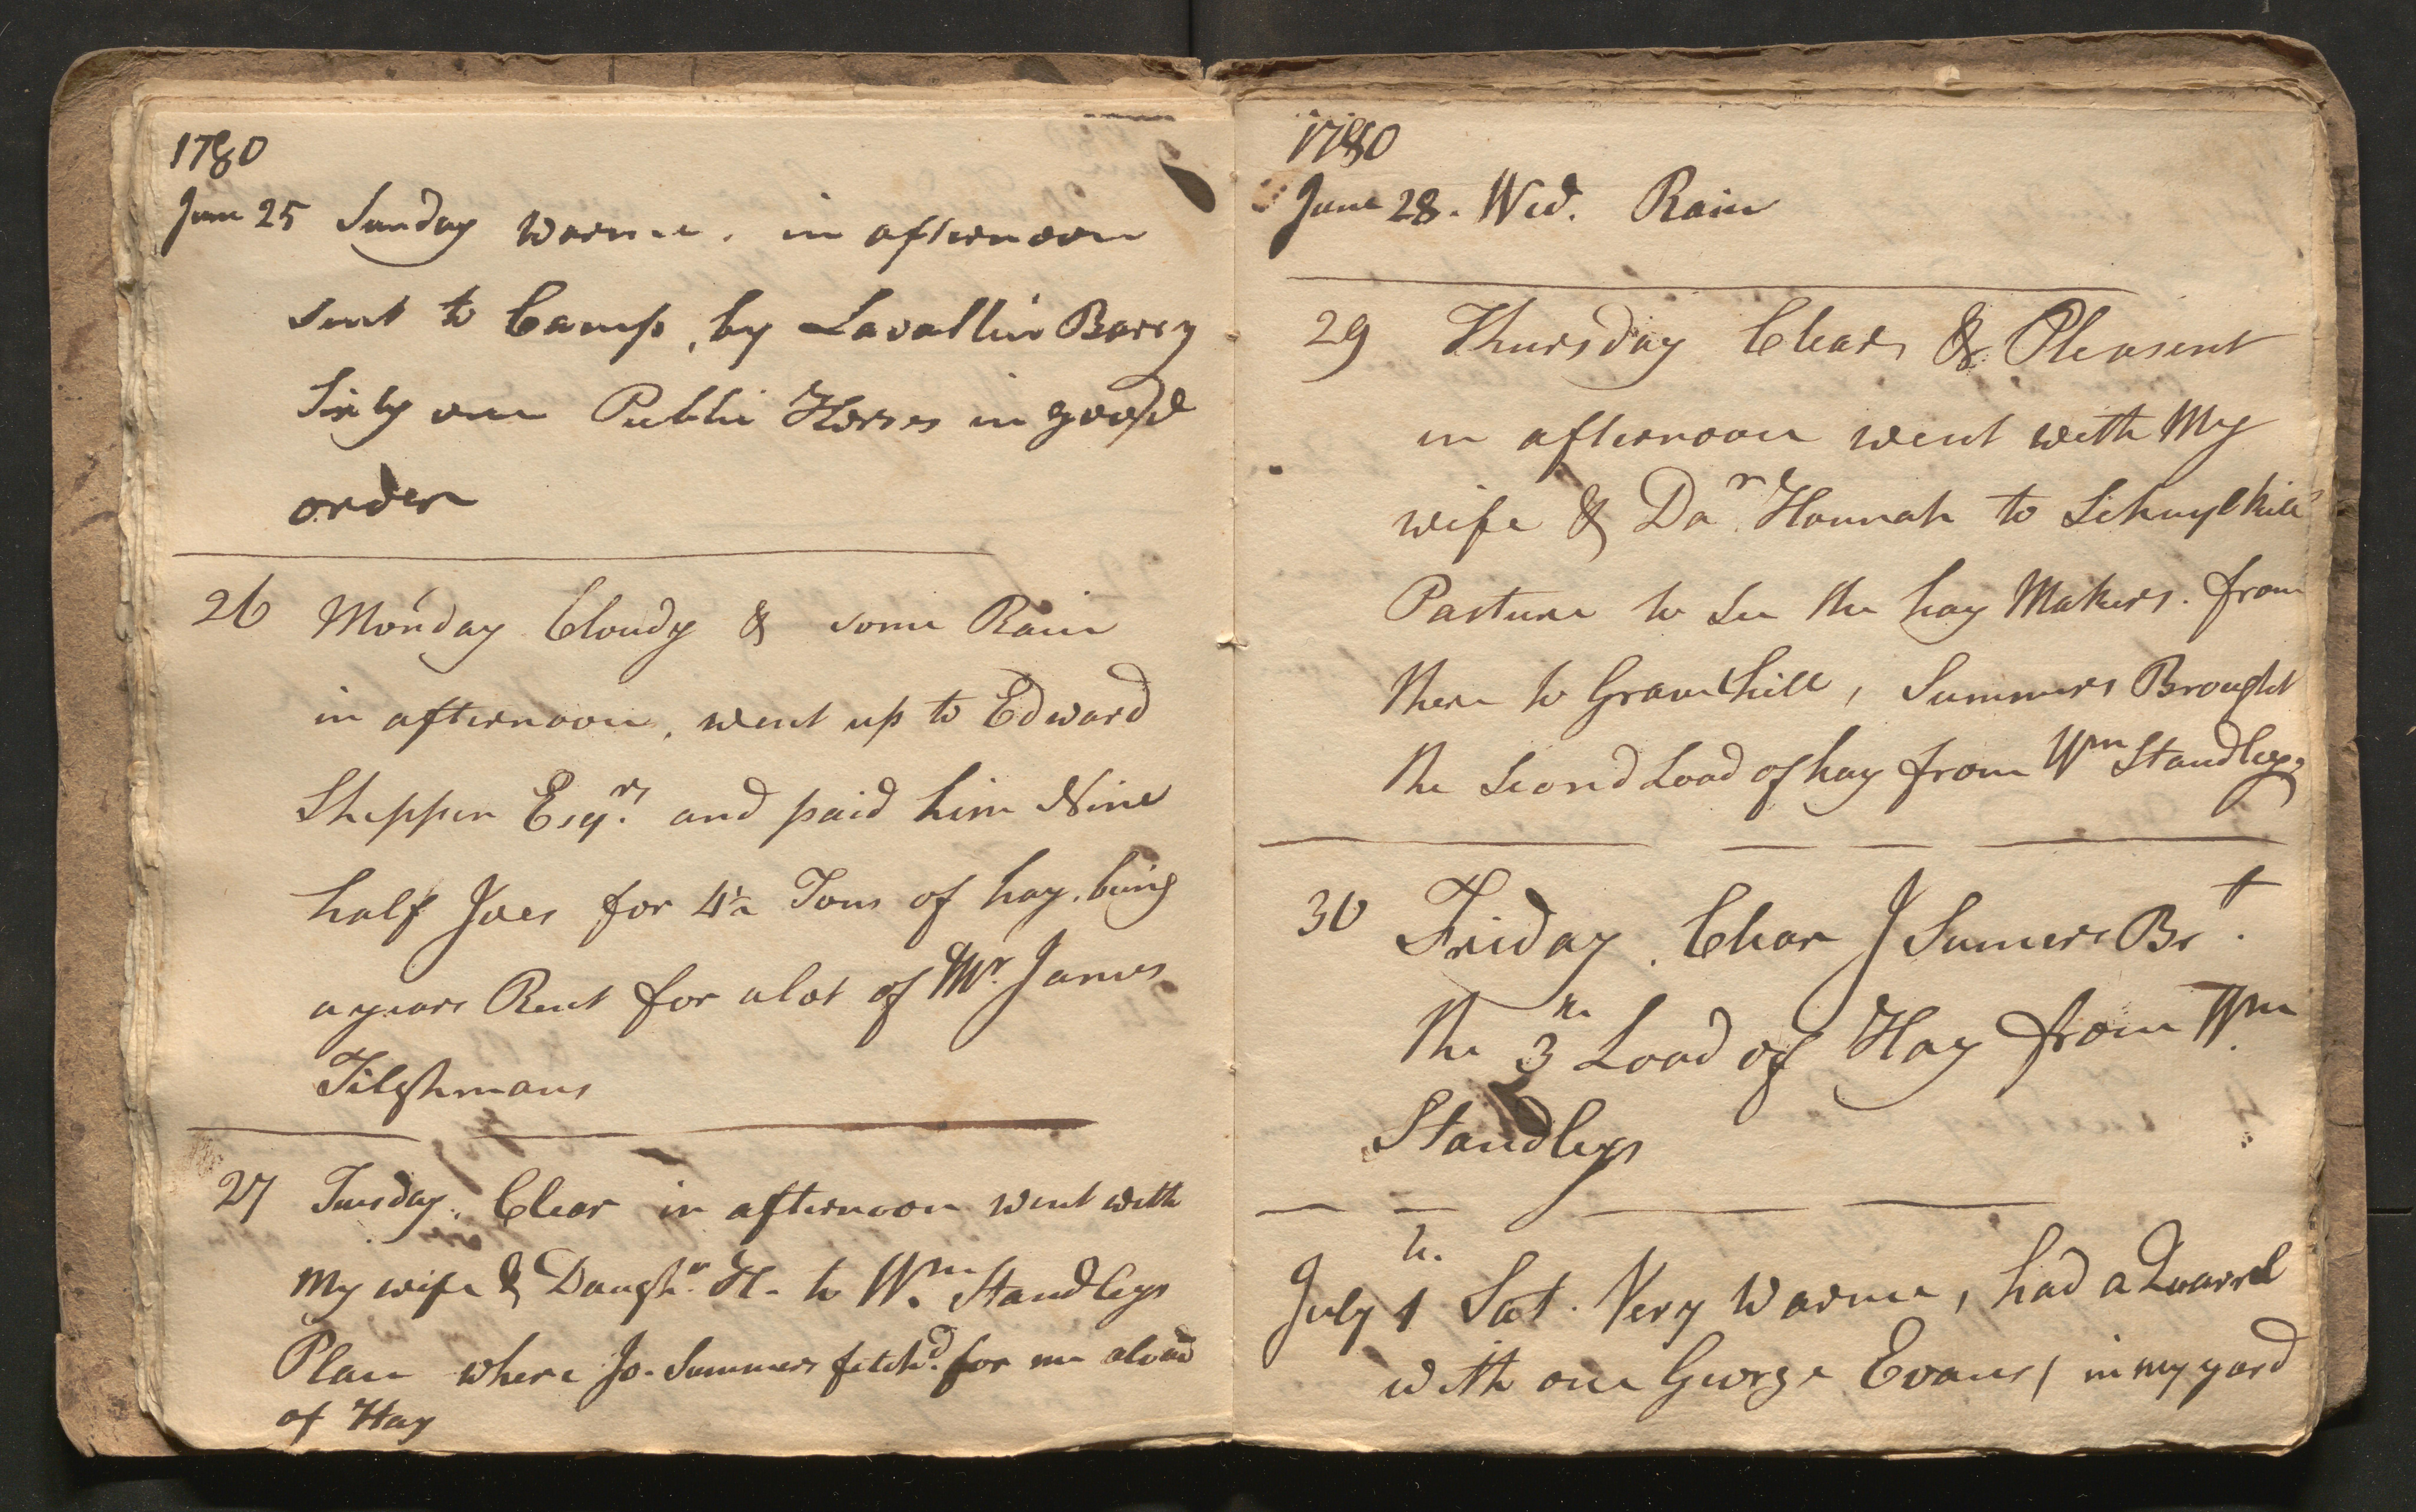1780
Jue 25 Sunday warm, in afternoon
Sixty one Publi Horses in good
order
26 Monday Cloudy & some Rain
in afternoon went up to Edward
Shippen Esq^r. and paid him Nine
half Jues for 4^2 Tons of hay, being
a years Rent for a lot of M^r. James
Tilghmans
27 Tuesday. Clear in afternoon went with
My wife & Daugh^r. H. to W^m. Handleys
Plan where Jo. Summers fetch^d. for one a load
of Hay
June 28h. Wed. Rain
1780
Sent to Camp, by Lavallin Barry 29 Thursday Clear &. Plensent
in afternoon went with My
wife & Da^r. Hannah to Schuylkill
Pasture to see the hay Makers. from
there to Gravelhill, Summers Brought
the second Load of hay from W^m Standley.
Friday Cohear Sumers Br^t
the 3^th Load of Hay from W^m.
July 1^th Sat. Very warme, had a Quarrel
Standleys
with one George Evans / in my yard